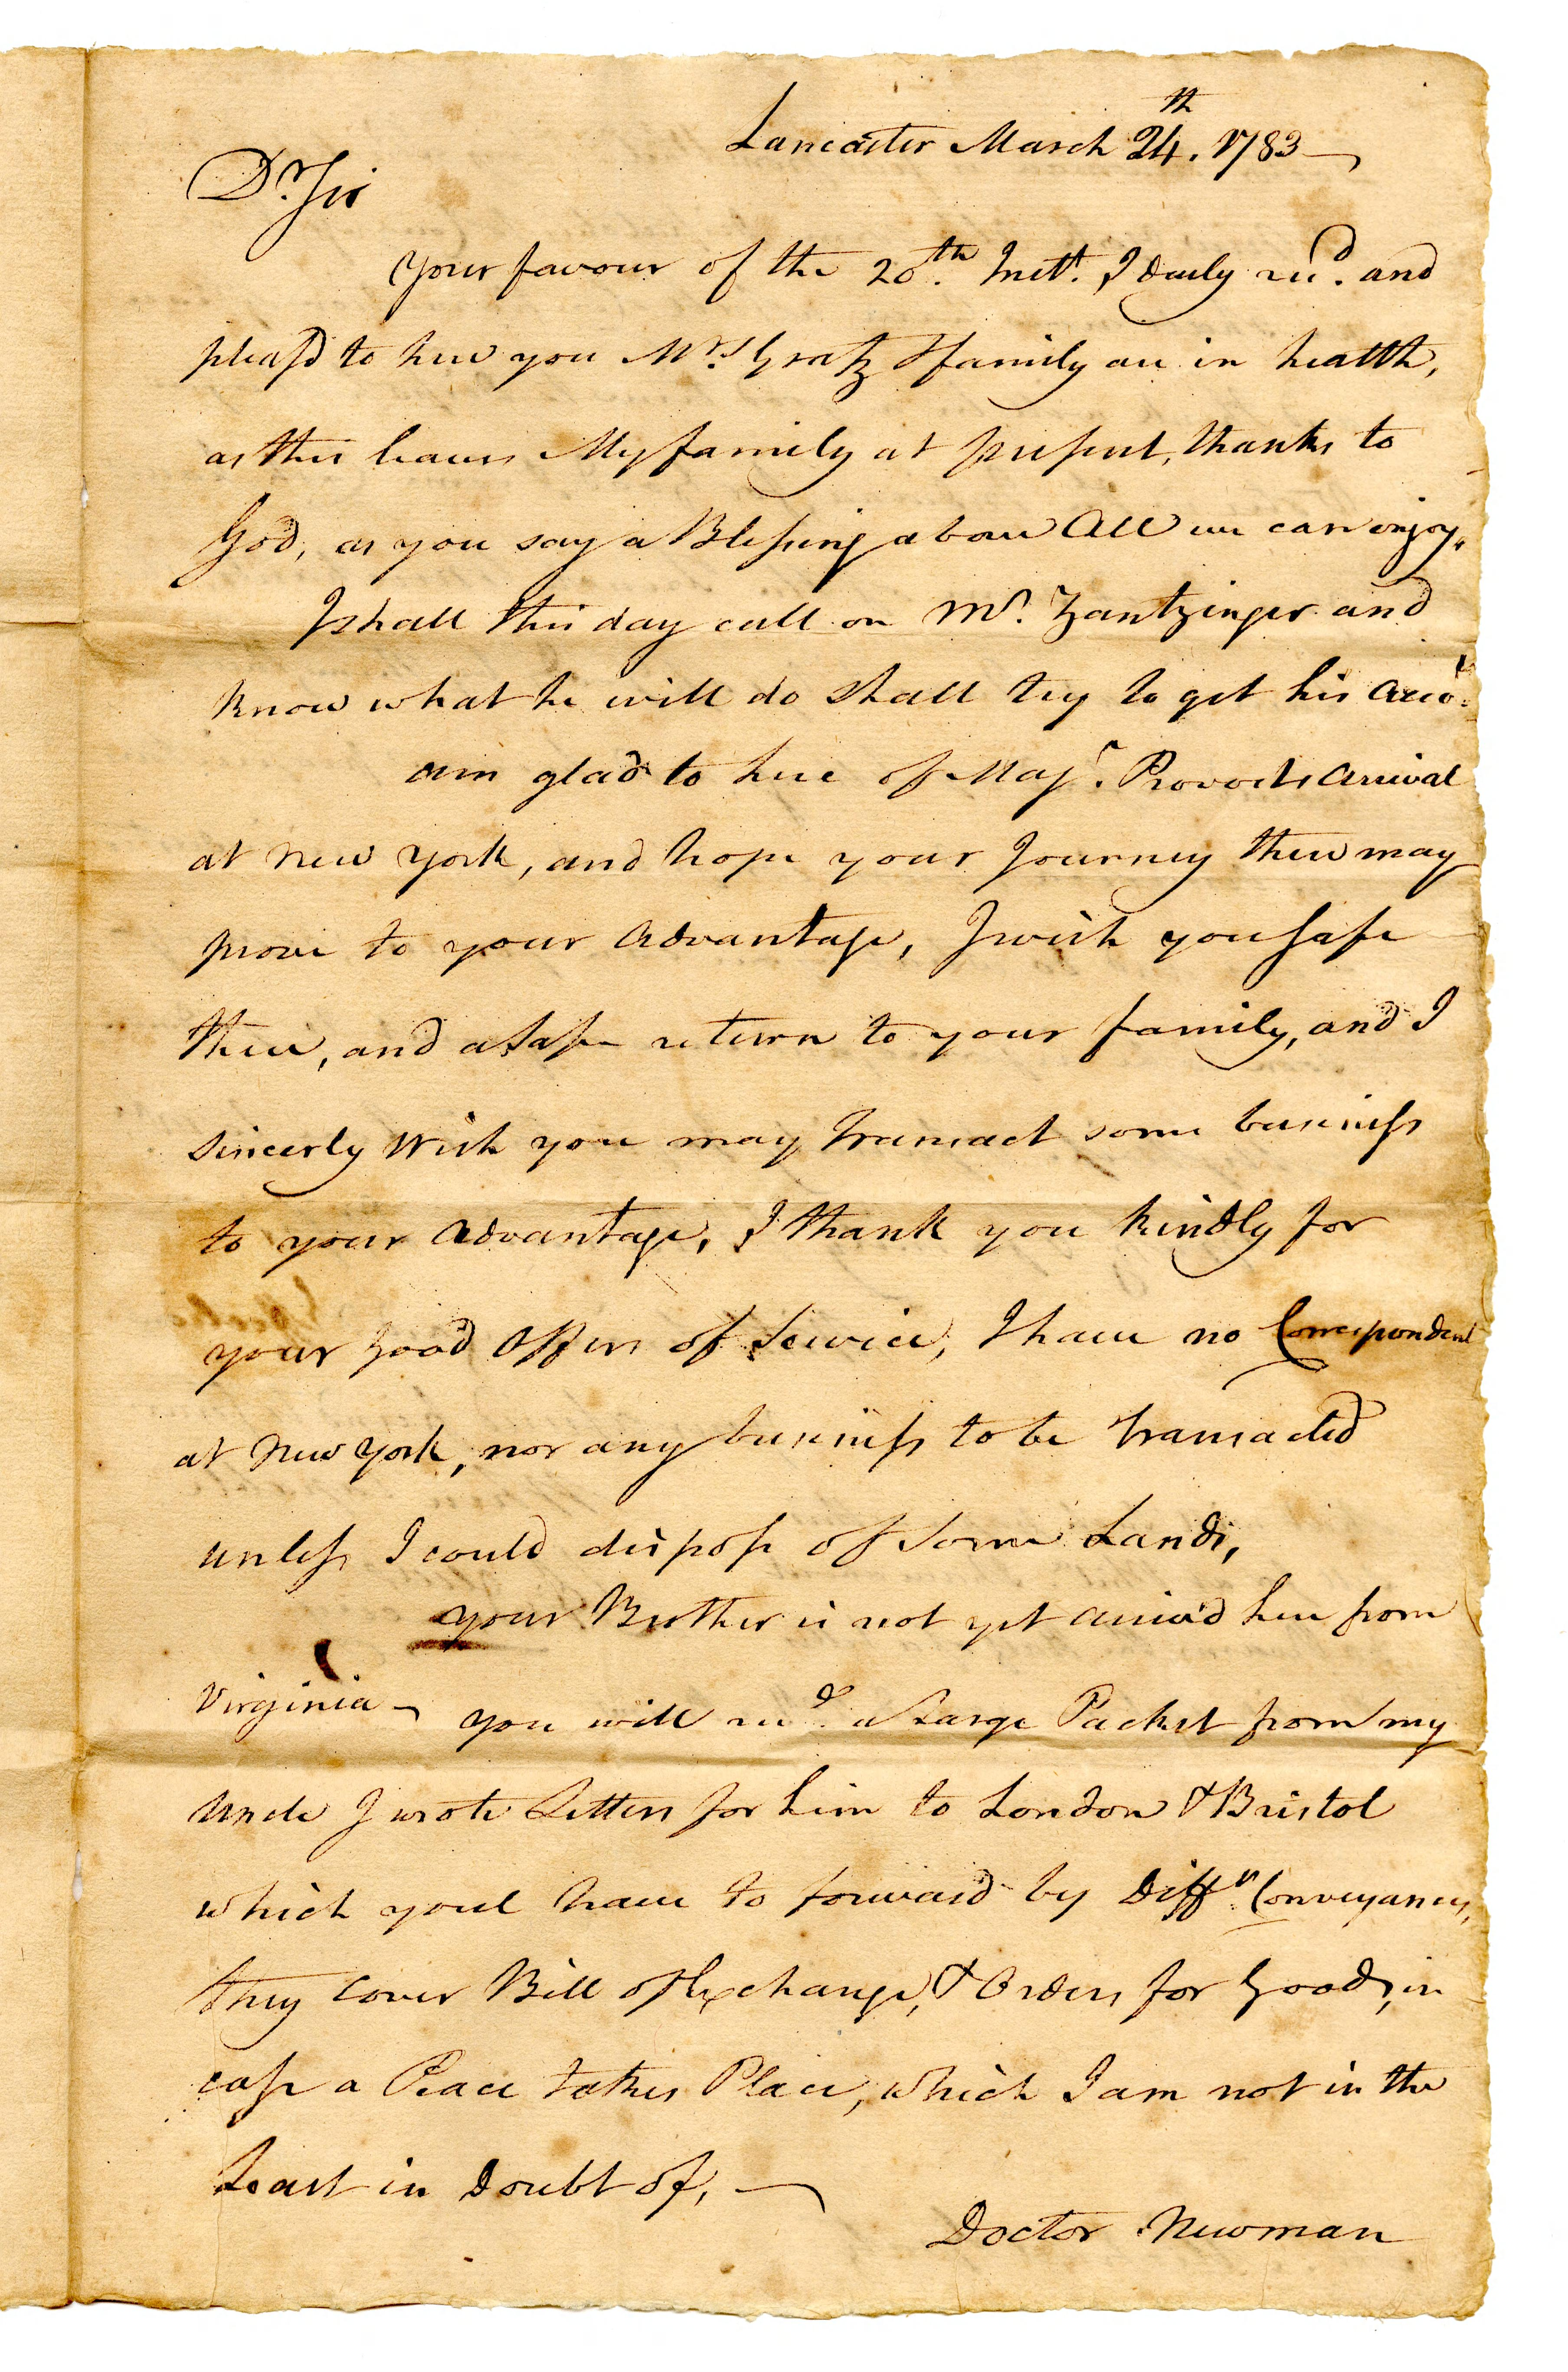Lancaster March 24^th. 1783
D^r sir
Your favour of the 20^th. Inst^t. I duly rec^d. and
pleasd to here you M^rs. Gratz & family are in health,
as this leaves My family at present, thanks to
God, as you say a Blessing above All we can enjoy,
I shall this day call on M^r. Zantzinger and
know what he will do shall by to get his Acco^t
am glad to here of Maj^r. Provorts arrival
at New York, and hope your Journey there may
prove to your Advantage, I wish you safe
there, and a safe return to your family, and I
sincerely Wish you may Transact some business
to your Advantage, I thank you kindly for
your Good Offer of Service, I have no Correspondence
at New York, nor any business to be transacted
unless I could dispose of Some Lands,
your Brother is not yet arriv'd here from
Virginia- you will rec^e a Large Packet from my
Uncle I wrote Letters for him to London & Bristol
which youl have to forward by Diff^t. Conveyance
they cover Bill of Exchange, & Orders for Goods, in
case a Peace takes Place, which I am not in the
Least in doubt of.-
Doctor. Newman